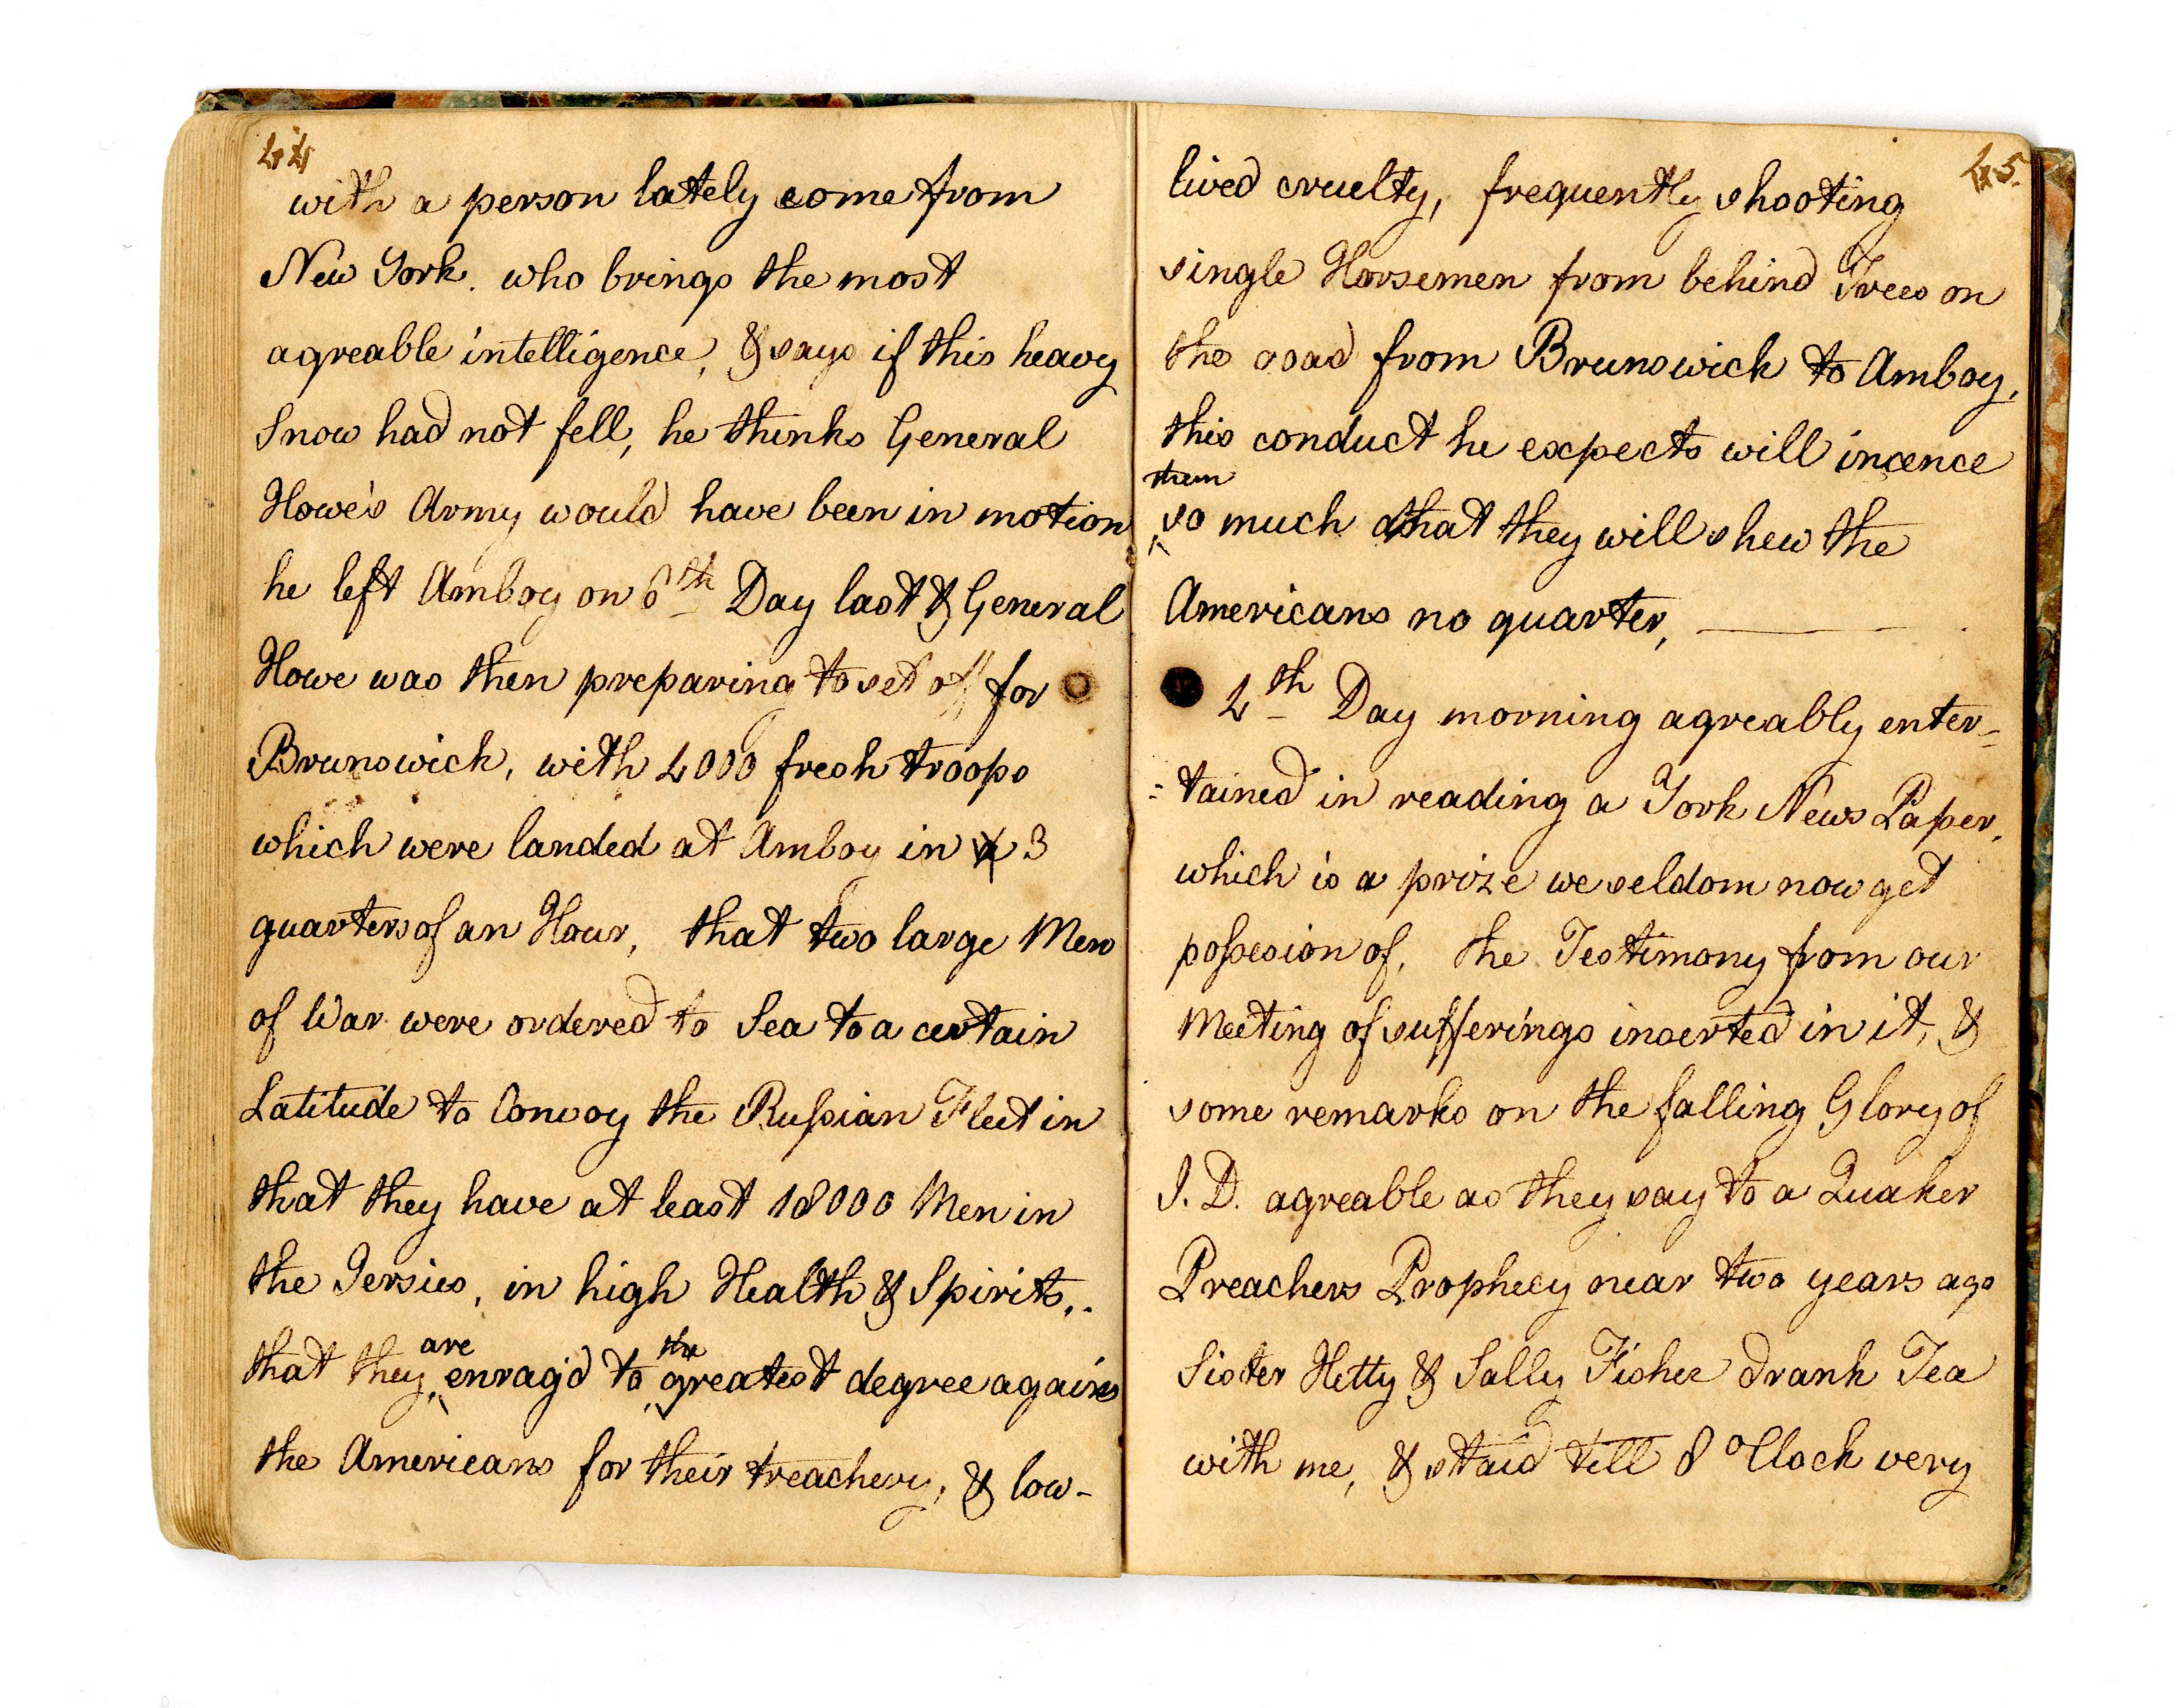with a person lately come from
New York who brings the most
agreable intelligence, & says if this heavy
Snow had not fell, he thinks General
Howe's Army would have been in motion
he left Amboy on 6^th Day last & General
Howe was then preparing to set off for
Brunswick, with 4000 fresh troops
which were landed at Amboy in [a] 3
quarters of an Hour, that two large Men
of War were ordered to Sea to a certain
Latitude to Convoy the Russian Fleet in
that they have at least 18000 Men in
the Jersies, in high Health & Spirits.
are
the
that they ^ enrag'd to ^ greatest degree agains
the Americans for their treachery, & low-
lived cruelty, frequently shooting
single Horsemen from behind Trees on
the road from Brunswick to Amboy,
this conduct he expects will incence
them
^ so much that they will shew the
Americans no quarter, -
4^th Day morning agreably enter-
-tained in reading a York News Paper,
which is a prize we seldom now get
possesion of, the Testimony from our
Meeting of sufferings inserted in it, &
some remarks on the falling Glory of
J. D. agreable as they say to a Quaker
Preachers Prophecy near two years ago
Sister Hetty & Sally Fisher drank Tea
with me, & staid till 8 ^oClock very